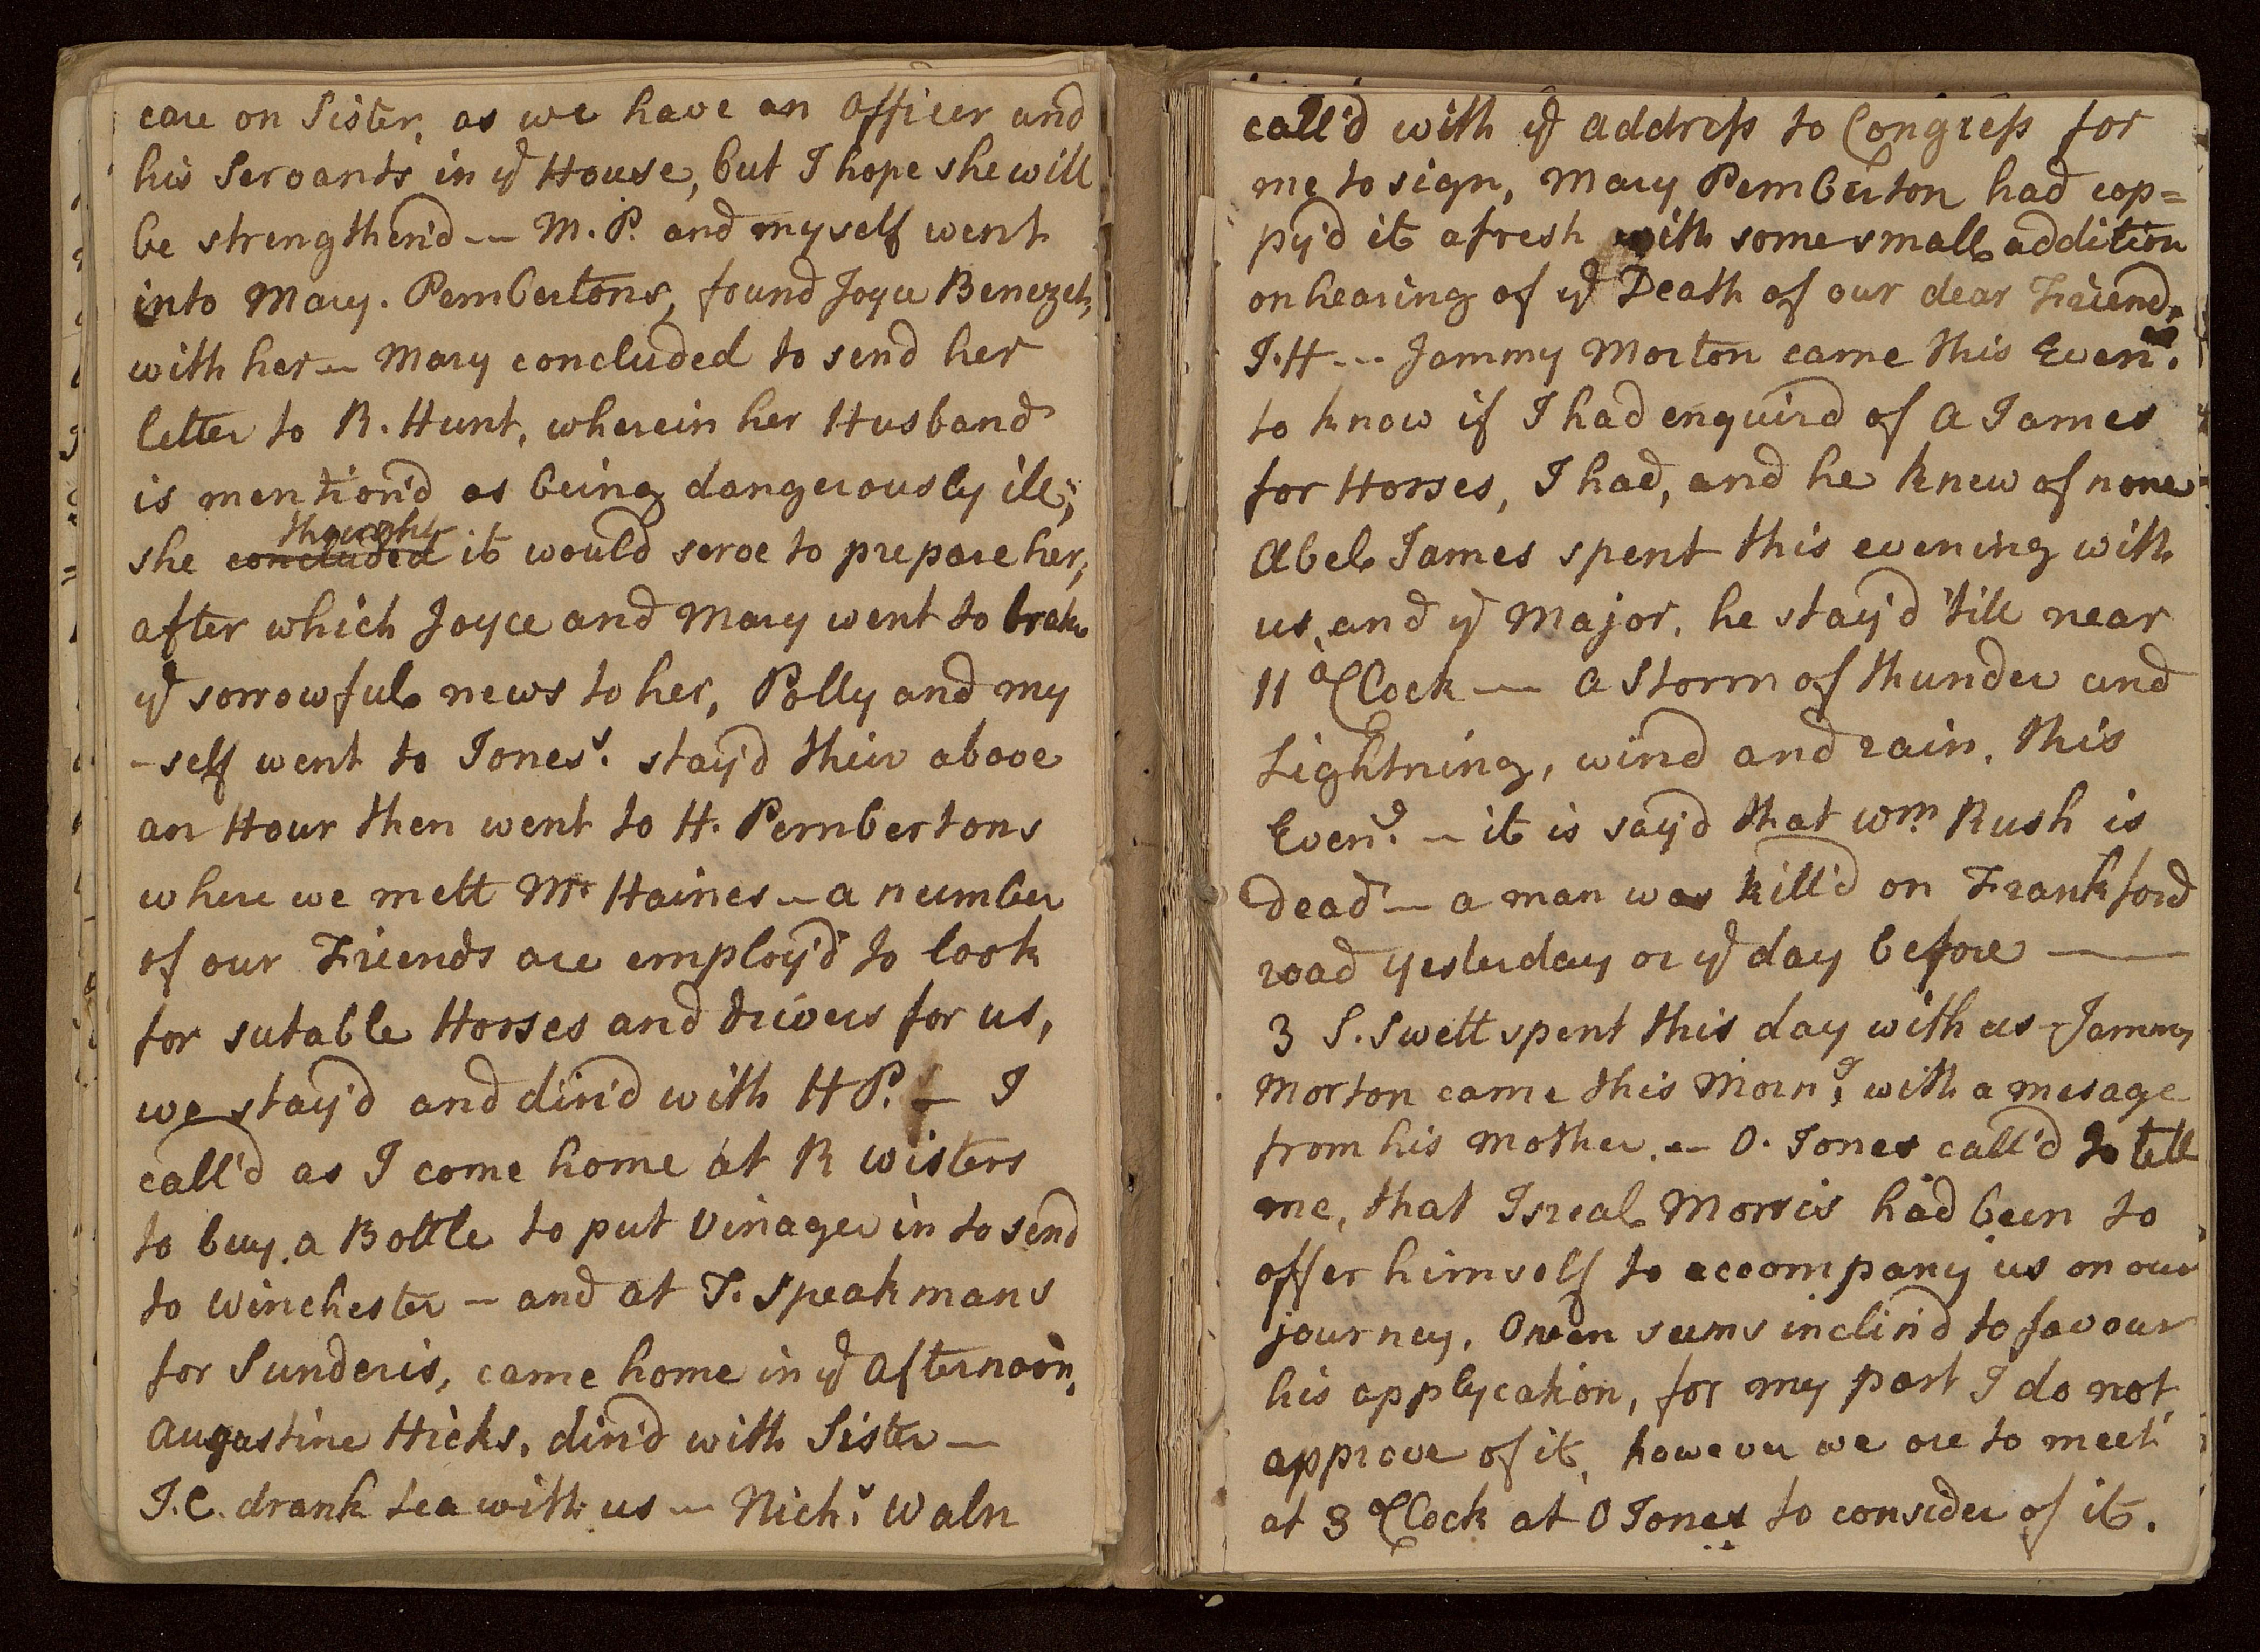care on Sister as we have an Officer and
his Servants in y^e House, but I hope she will
be strengthen'd-- M.P. and myself went
into Mary. Pembertons, found Joyce Benezet,
with her- Mary concluded to send her
letter to R. Hunt, wherein her Husband
is mention'd as being dangerously ill,
thought
she concluded it would serve to prepare her;
after which Joyce and Mary went to brake
y^e sorrowful news to her, Polly and my
-self went to Jones^s. stay'd their above
an Hour then went to H. Pembertons
where we mett M. Haines- a number
of our Friends are employ'd to look
for sutable Horses and drivers for us,
we stay'd and din'd with HP.- I
call'd as I come home at R Wisters
to buy a Bottle to put Vinager in to send
to Winchester- and at T. Speakmans
for Sunderis, came home in y^e afternoon,
Augustine Hicks, din'd with Sister-
J.C. drank tea with us- Nich^s. Waln
calld with y^e address to Congress for
me to sign, Mary Pemberton had cop-
py'd its afresh with some small addition
on hearing of y^e Death off our dear Friend-
J.H-- Jammy Morton came this Even^[_].
to know if I had enquird of A James
for Horses, I had, and he knew of none
Abel James spent this evening with
us, and y^e Major, he stay'd till near
11 ^o Clock- a storm of thunder and
Lightning, wind and rain, this
Even^g.- it is say'd that W^m. Rush is
dead- a man was kill'd on Frankford
road yesterday or y^e day before-
3 S. Swett spent this day with us - Jamny
Morton came this Morn^g, with a mesage
from his mother. - O Jones call'd to tell
me, that Isreal Morris had been to
offer himself to accompany us on our
journey, Owen seems inclin'd to favour
his applycation, for my part I do not,
approve of it, however we are to meet
at 3 ^o Clock at O Jones to consider of it.